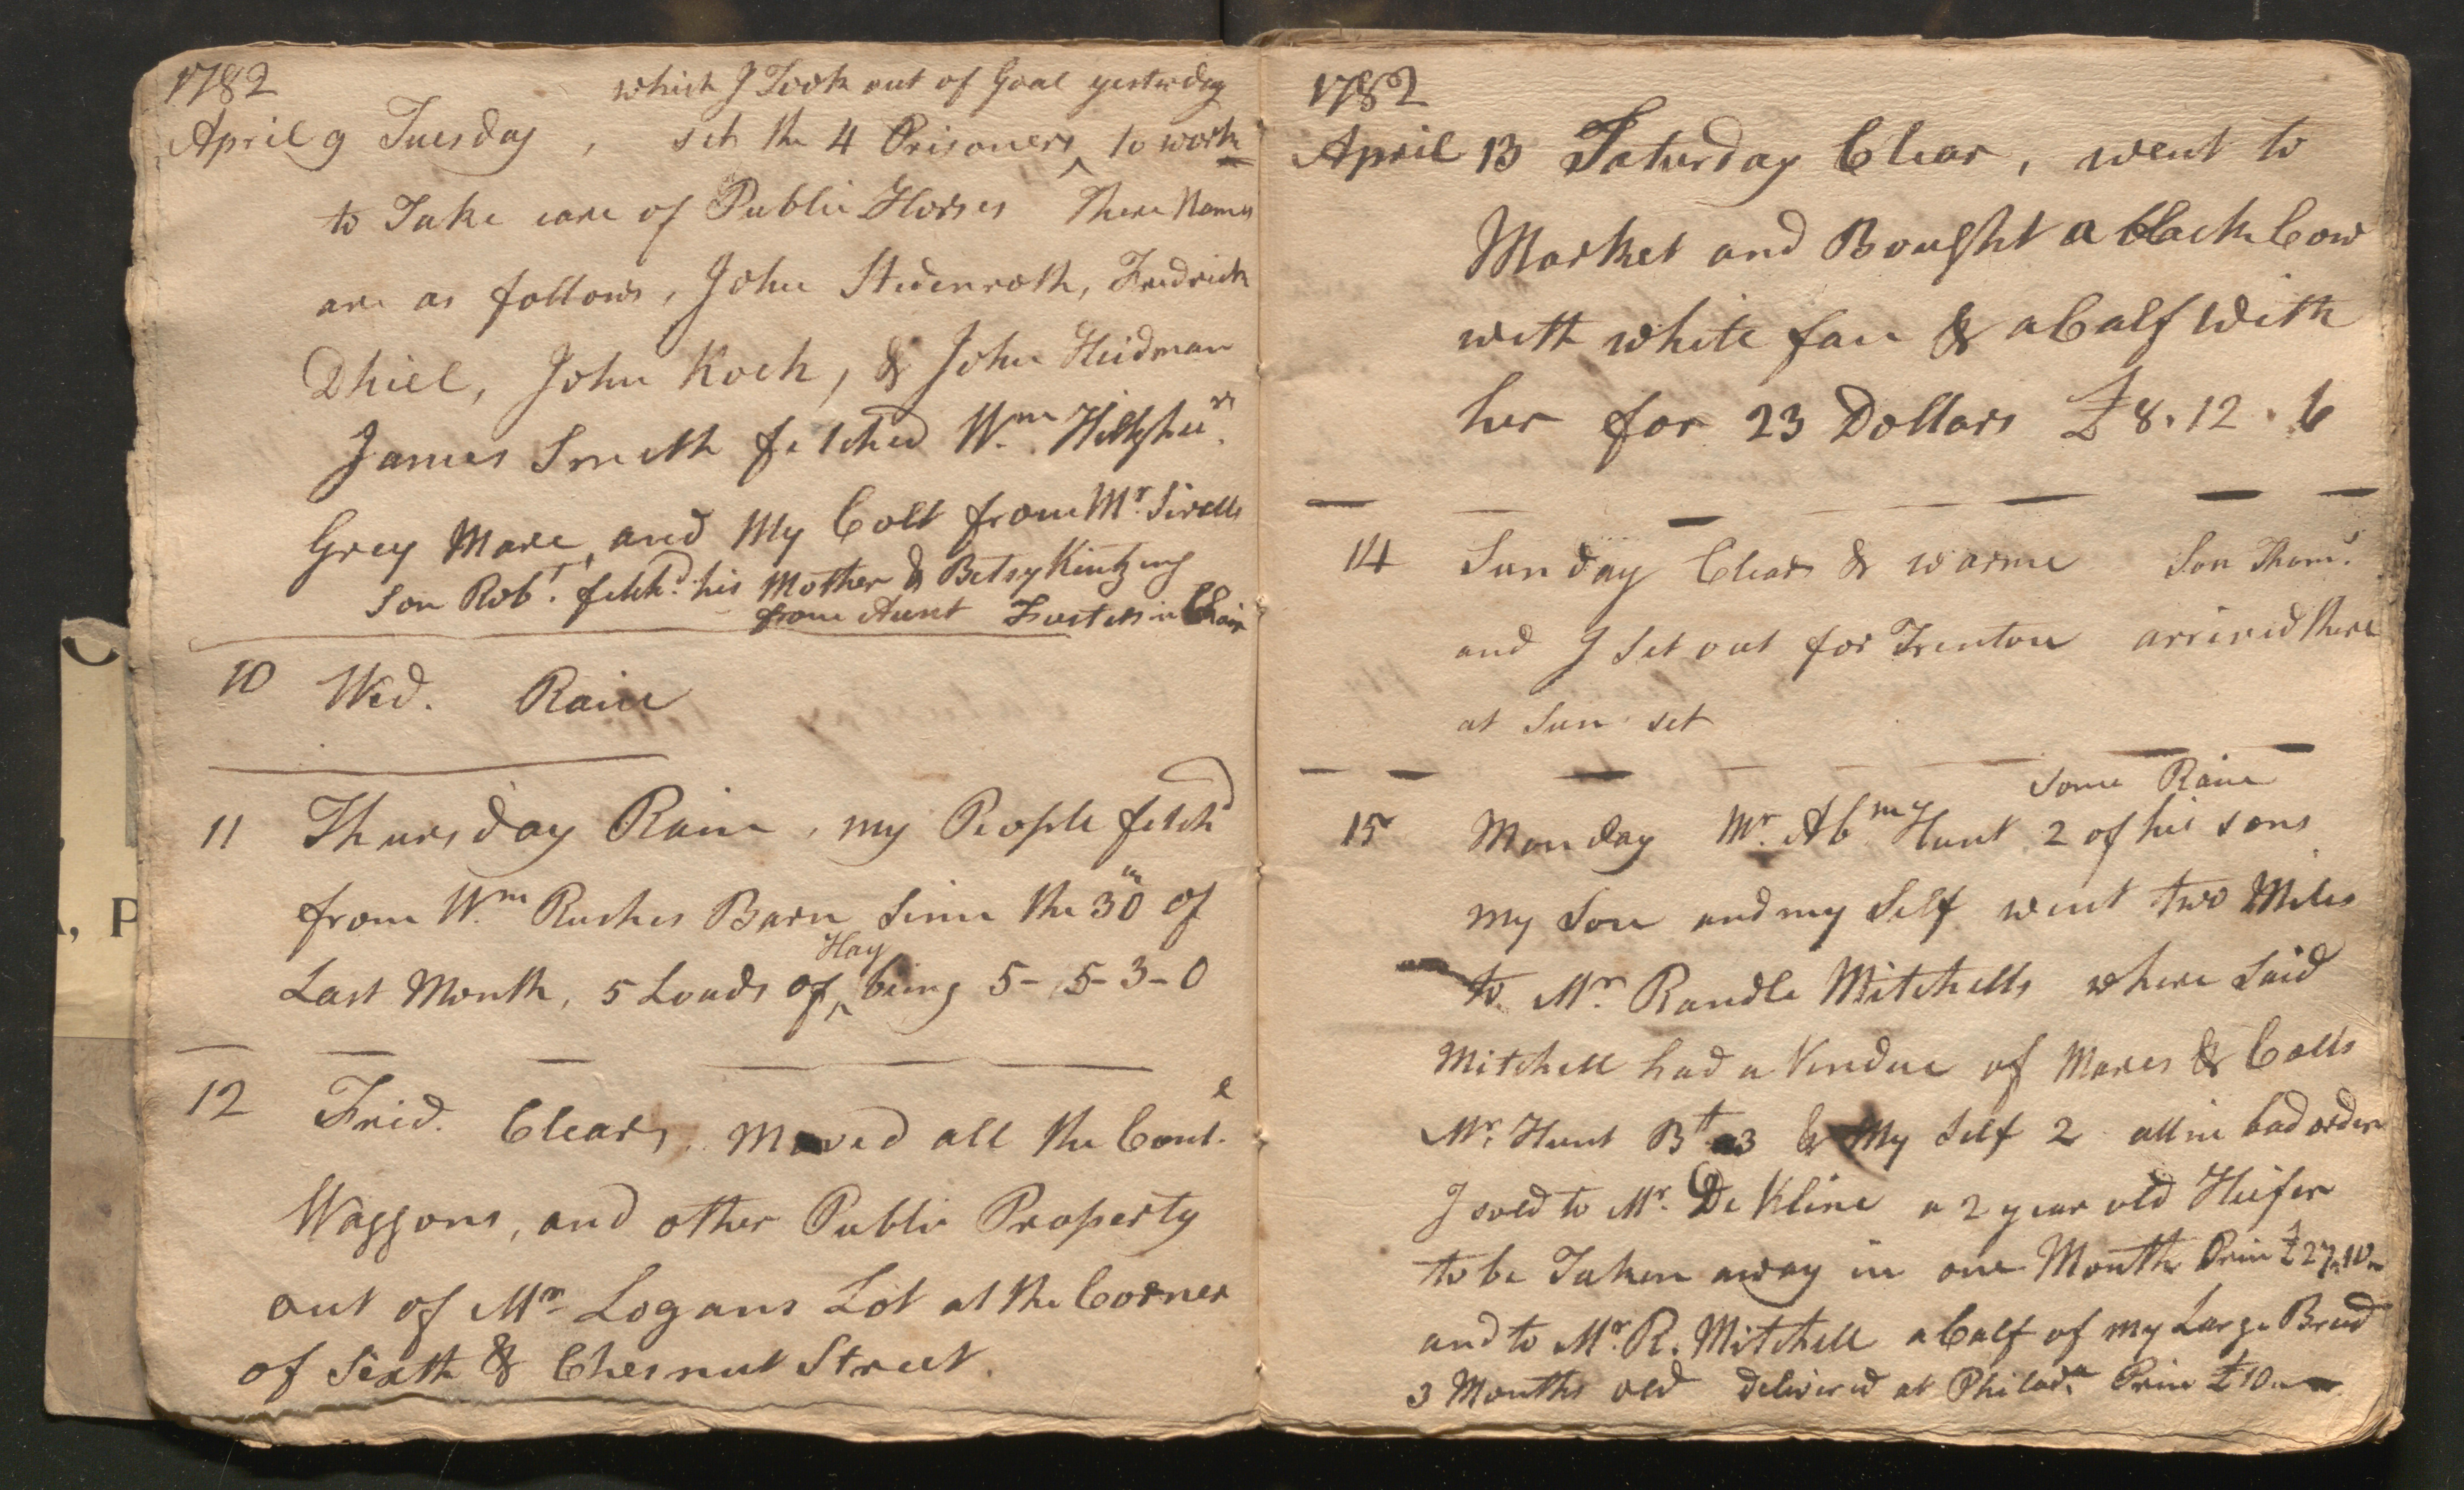1782
which I Took out of Goal yesterday
April 9 Tuesday, set the 4 Prisoners ^ to work
to Take care of Public Horses There Names
are as follows, John Stedenroth, Fredrick
Dhiel, John Kock, & John Heidman
James Smith fetched W^m. Hiltzhei^r
Grey Mare, and My Colt from M^r Sirells
Son Rob^t. fetch^d. his Mother & Betsy Kintzing
fron Aunt Fosters in Chair
10 Wed. Rain
11 Thursday Rain, my People fetch
from W^m. Rushes Barn since the 30^th of
Last Month, 5 Loads of ^ being 5-5-3-0
Hay
12 Frid. Clear, Moved all the Cont^l.
Waggons, and other Public Property
out of M^r. Logans Lot at the Corner
of Sixth & Chesnut Street
1782
April 13 Saturday Clear, went to
Market and Bought a black Cow
with white fan & a Calf With
her for 23 Dollars £8.12.6
14 Sunday Clear & warme Son Thom^s.
and I set out for Trenton arrived there
at sun set
some Rain
15 Monday M^r. Ab^m. Hunt 2 of his sons
My Son and my self went two Miles
to M^r. Randle Mitchells where said
Mitchell had a Vendue of Mares & Colts
M^r. Hunt B^t. 3 & My self 2 all in bad order
I sold to M^r. DeKline a 2 year old Heifer
to be Taken away in one Month Price £27.10-
and to M^r. R. Mitchell a Calf of my Large Breed
3 Months old delivired at Philad^a. Price £10-